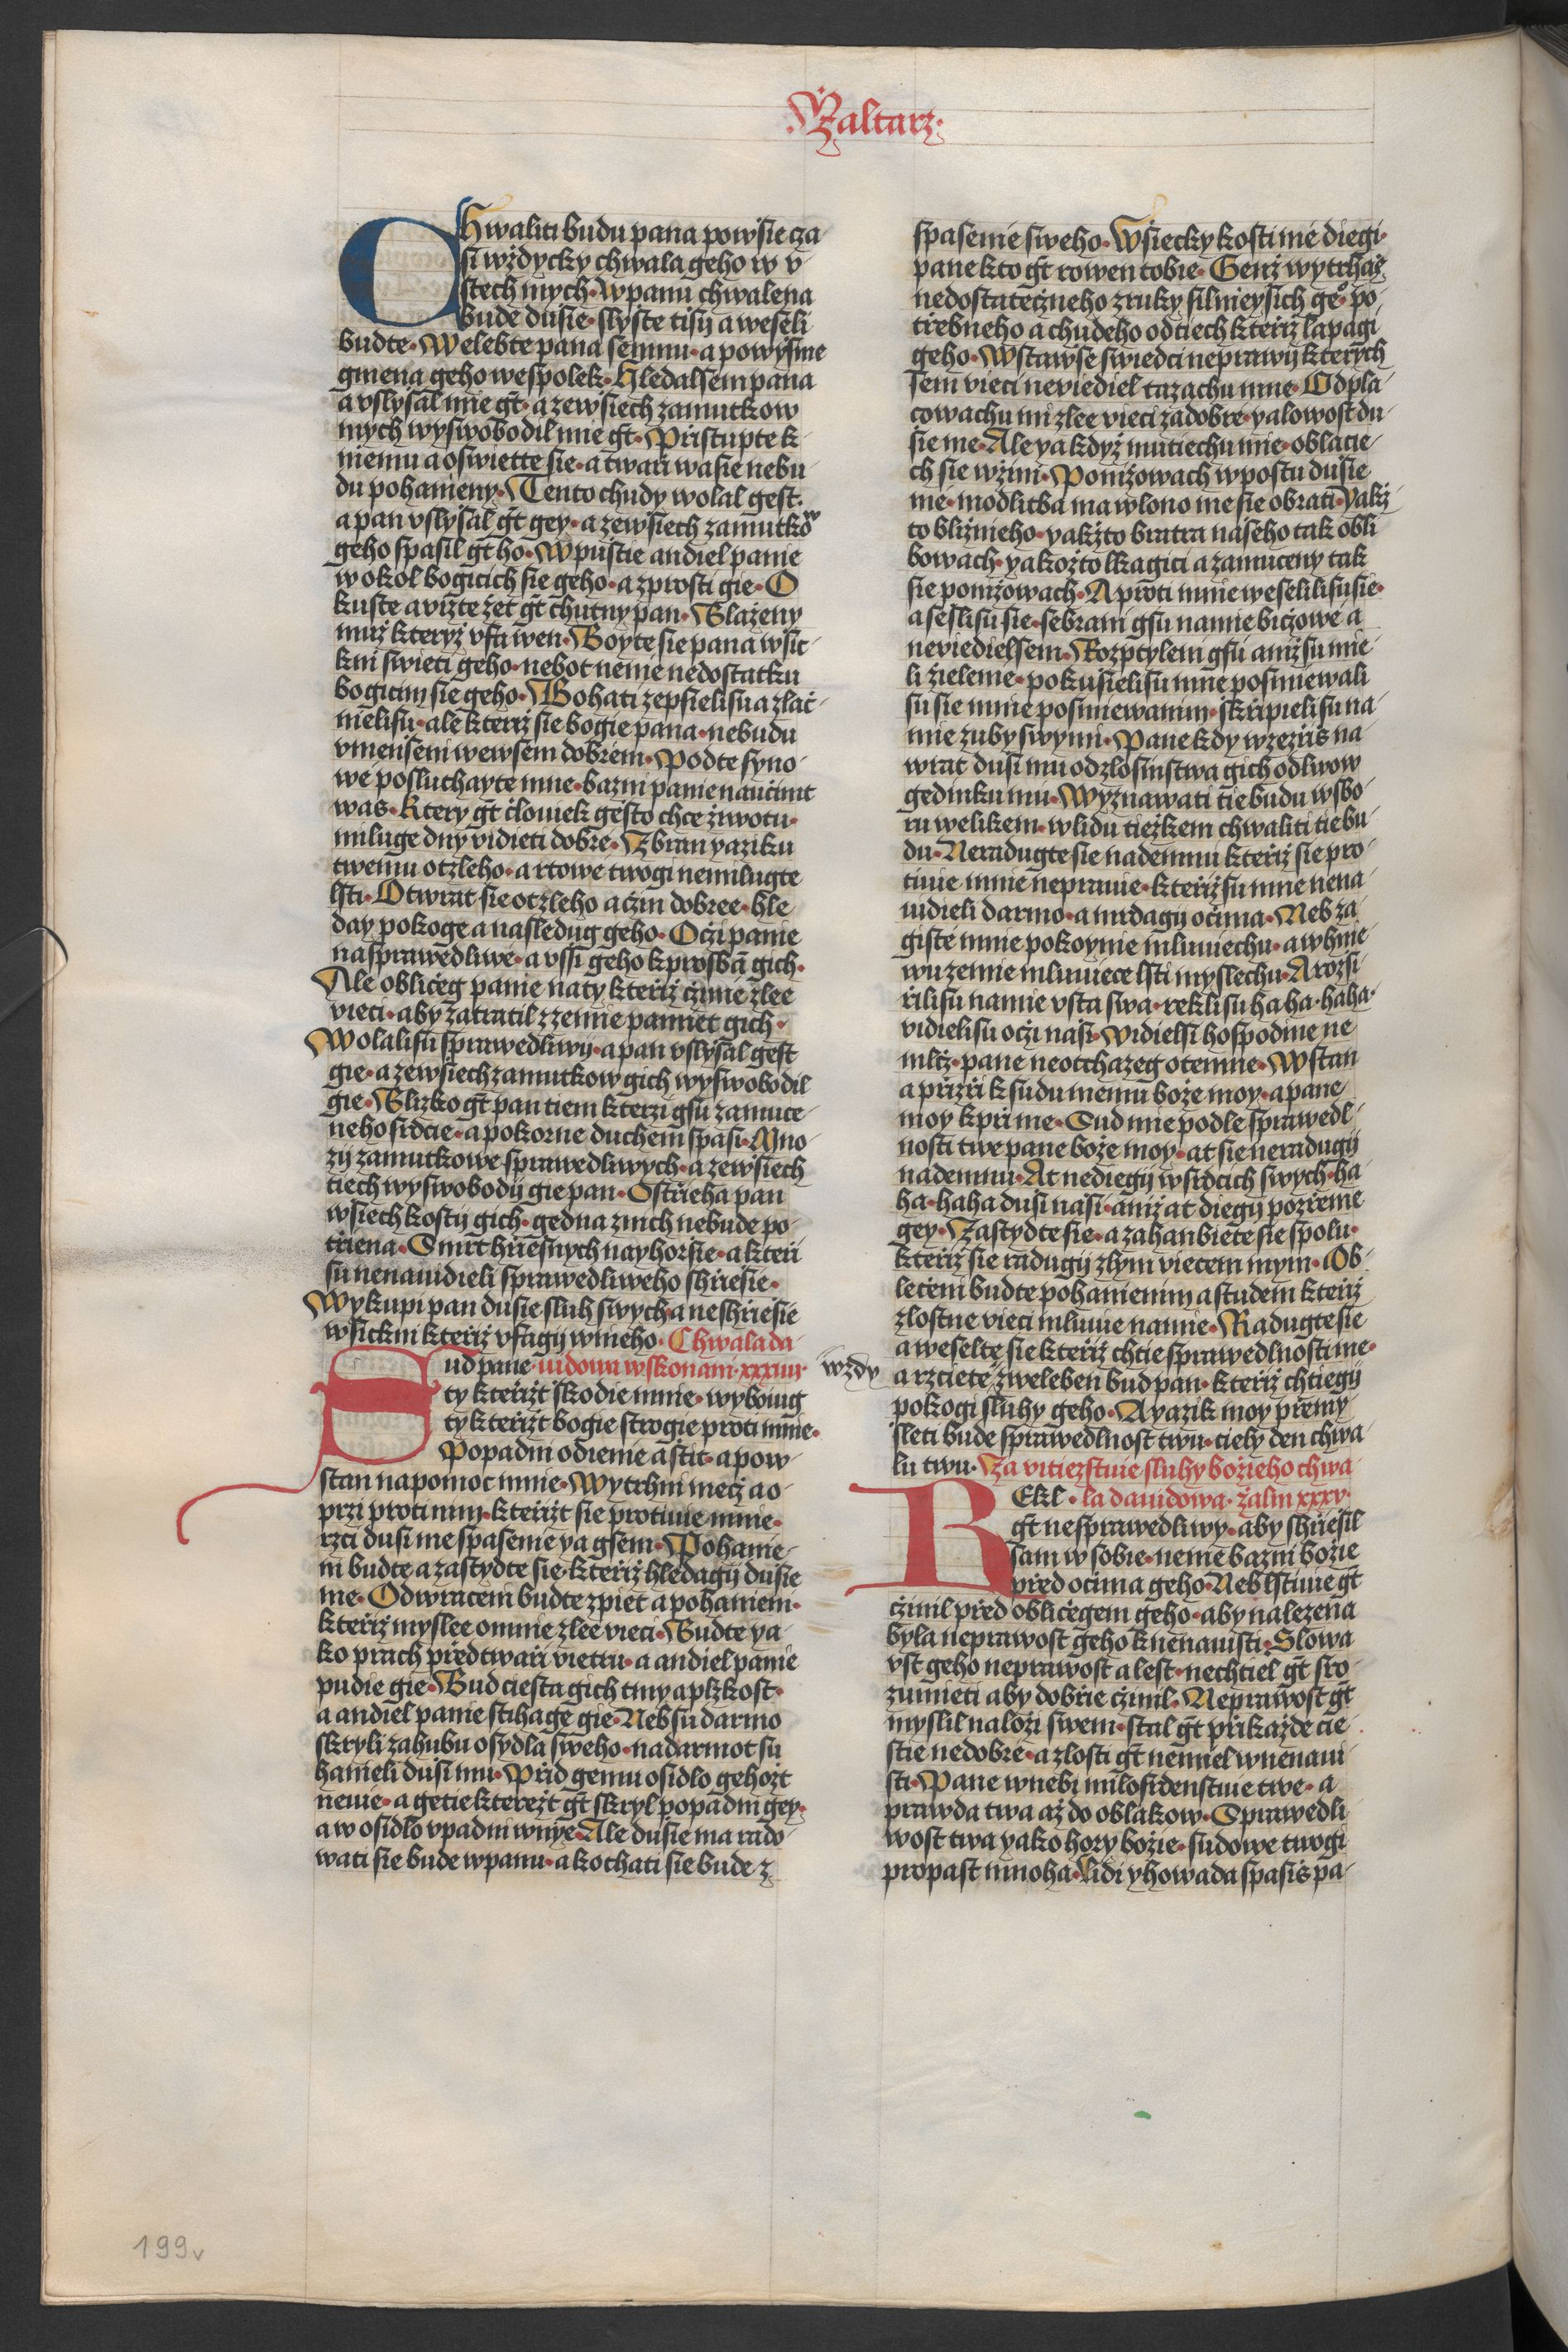.Żaltarz.
hwaliti budu pana powẛie cza¬
ſi wżdycky chwala geho w v¬
ſtech mych.W panu chwalena
bude duẛie.ſlyẛte tiẛij a weſelí
budte.Welebte pana ſemnu.a powyẛme
gmena geho weſpolek.Hledalſem pana
a vſlyẛal mie ḡt.a zewẛiech zamutkow
mych wyſwobodil mie ḡt.Pṙiſtupte k¬
niemu a oſwiette ſie.a twaṙi waſie nebu¬
du pohanieny.Tento chudy wolal geſt.
a pan vſlyẛal ḡt gey.a zewẛiech zamutkow
geho ſpaſil ḡt ho.W puẛtie andiel panie
w okol bogicích ſie geho.a zproſtí gie.O¬
kuſte avizte żet ḡt chutny pan.Blażeny
muż kteryż vſa wen.Boyte ſie pana wẛic¬
kni ſwietí geho.nebot neníe nedoſtatku
bogicím ſie geho.Bohatí zepſieliſu a zlaċ¬
nieliſu.ale kteriż ſie bogíe pana.nebudu
vmenẛeni wewſem dobrém.Podte ſyno¬
wé poſluchayte mne.bazni panie nauċímt
was.Ktery ḡt ċlouiek geẛto chce żiwotu.
miluge dny vidieti dobré.Zbran yaziku
twenu otzleho.a rtowé twogi namilugte
lſti.Otwrat ſie otzleho a cżin dobree.hle¬
day pokoge a naſledug geho.Ocżi panie
naſprawedliwé.a vẛſi geho k proſbā gich.
Ale obliċeg panie naty kteṙíż cżiníe zlee
vieci.aby zatratil z zemie pamiet gich.
Wolaliſu ſprawedliwij.a pan vſlyẛal geſt
gie.a zewẛiech zamutkow gich wyſwobodíl
gie.Blizko ḡt pan tiem kterzí gſu zamuce¬
neho ſrdcie.a pokorne duchem ſpaſi.Mno¬
zij zamutkowe ſprawedliwych.a zewẛiech
tiech wyſwobodij gie pan.Oſtṙíeha pan
wẛiech koſtij gich.gedna znich nebude po¬
tṙíena.Smrt hṙieẛnych nayhorẛie.a kteṙí
ſu nenauidielí ſprawedliweho ſhṙieẛíe.
Wykupí pan duſie ſluh ſwych.a neſhṙieẛíe
wſickni kteṙíż vſagij wnieho.Chwalala da¬
ud pane.uidowa wſkonaní.xxxiiij.
ty kteṙiżt ẛkodie mnie.wyboiug
ty kteṙiżt bogie ſtrogíe proti mnie.
Popadni odieníe.aẛtit.a pow¬
ſtan napomoc mnie.Wytrhni mecż ao¬
przi proti ním.kteṙíżt ſie protiuie mnie.
rzci duſi me ſpaſeníe ya gſem.Pohaníe¬
ni budte.a zaſtydte ſie.kteṙíż hledagij duẛie
me.Odwraceni budte zpiet a pohanieni.
kteṙíż myſlee omnie zlee vieci.Budte ya¬
ko prach pṙedtwaṙí vietru.a andiel panie
pudie gie.Bud cieſta gich tmy a plzkoſt.
a andiel panie ſtihage gie.Neb ſu darmo
ſkryli zahubu oſydla ſweho.nadarmot ſu
hanieli duẛi mu.Pṙid gemu oſidlo gehożt
neuíe.a getie ktereżt ḡt ſkryl popadni gey.
a w oſidlo vpadni wnye.Ale duẛie ma rado¬
wati ſie bude wpanu.a kochati ſie bude z
ſpaſeníe ſweho.Wẛiecky koſti mé diegí.
pane kto ḡt rowen tobie.Genż wytrhaṡ
nedoſtatecżneho zruky ſilnieyẛich ge° po¬
tṙebneho a chudeho odtiech kteṙíż lapagí
geho.Wſtawẛe ſwiedci neprawij kterych
ſem viecí neviediel tazachu mne.Odpla¬
cowachu mi zlee vieci zadobré.yalowoſt du¬
ẛie me.Ale ya kdyż mutíechu mie.oblacie¬
ch ſie wżíni.Poniżowach wpoſtu duẛie
mé.modlitba ma wlono meſie obrati.Yakż¬
to bliżníeho.yakżto bratra naẛeho tak obli
bowach.yakożto lkagící a zamuceny tak
ſie pomżowach.A proti mnie weſeliliſuſie.
a ſeẛliſu ſie.ſebraní gſu namie bicżowé a
neviedielſem. Rozptylení gſú aniż ſu mie¬
li żieleníe.pokuẛieliſu mne poſmíewali
ſu ſie mnie poſmíewaním.ẛkṙipieliſu na¬
mie zuby ſwymi.Pane kdy wzezṙíṡ na¬
wrat duẛi mu odzloſínſtwa gich odlwow
gedínku mú.Wyznawati tiebudu wſbo¬
ru welikem.wlidu tieżkem chwaliti tiebu¬
du.Neradugte ſie nademnú kteṙiż ſie pro¬
tiuie mnie neprauie.kteṙíż ſu mne nena¬
uidieli darmo.a mrdagij oċima.Neb za¬
giſté mnie pokoynie mluuíechu.a w hnie¬
wu zemie mluuíece lſti myſlechu.A rozẛi¬
ṙiliſu namie vſta ſwa.rekliſu ha ha.haha.¬
vidieliſu ocżi naẛi.Vidíelſi hoſpodine ne
mlcż.pane neotchazeg otemne.Wſtan
a pṙizṙi k ſudu memu boże moy.a pane
moy kpṙime.Sud mie podle ſprawedl¬
noſti twe pane boże moy.at ſie neradugij
nademnu.At nediegij w ſrdcích ſwych.ha¬
ha.haha duẛi naẛí.aníż at diegij pozṙeme
gey.Zaſtydte ſie.a zahanbiete ſie ſpolu.
kteṙíż ſie radugij zlym viecem mym.Ob¬
leċeni budte pohaníením a ſtudem kteṙiż
zloſtne vieci mluuie namie.Radugteſie
a weſelte ſie kteṙíż chtie ſprawedlnoſti me.
a rzciete zweleben bud pan.kteṙíż chtiegij
pokogi ſluhy geho.A yazik moy pṙemy¬
ẛleti bude ſprawedlnoſt twu.ciely den chwa¬
lu twu.Za vitíezſtuíe ſluhy bożieho chwa¬
Ekl.la dauidowa.żalm xxxv.
ḡt neſprawedliwy.aby ſhṙíeẛil
ſam w ſobie.neníe bazní bożie
pṙed oċima geho.Neb lſtíuie ḡt.
cżíníl pṙed obliċegem geho.aby nalezena
byla neprawoſt geho k nenauiſti.Slowa
vſt geho neprawoſt a leſt.nechtiel ḡt ſro¬
zumieti aby dobṙie cżinil.Neprawoſt ḡt
myſlil nalożi ſwem.ſtal ḡt pṙikażde cie¬
ſtie nedobré.a zloſti ḡt nemiel w nenaui¬
ſti.Pane wnebi miloſrdenſtuíe twe.a
prawda twa aż do oblakow.Sprawedli¬
woſt twa yako hory bożíe.ſudowe twogi
propaſt mnoha.Lidi yhowada ſpaſiṡ pa¬